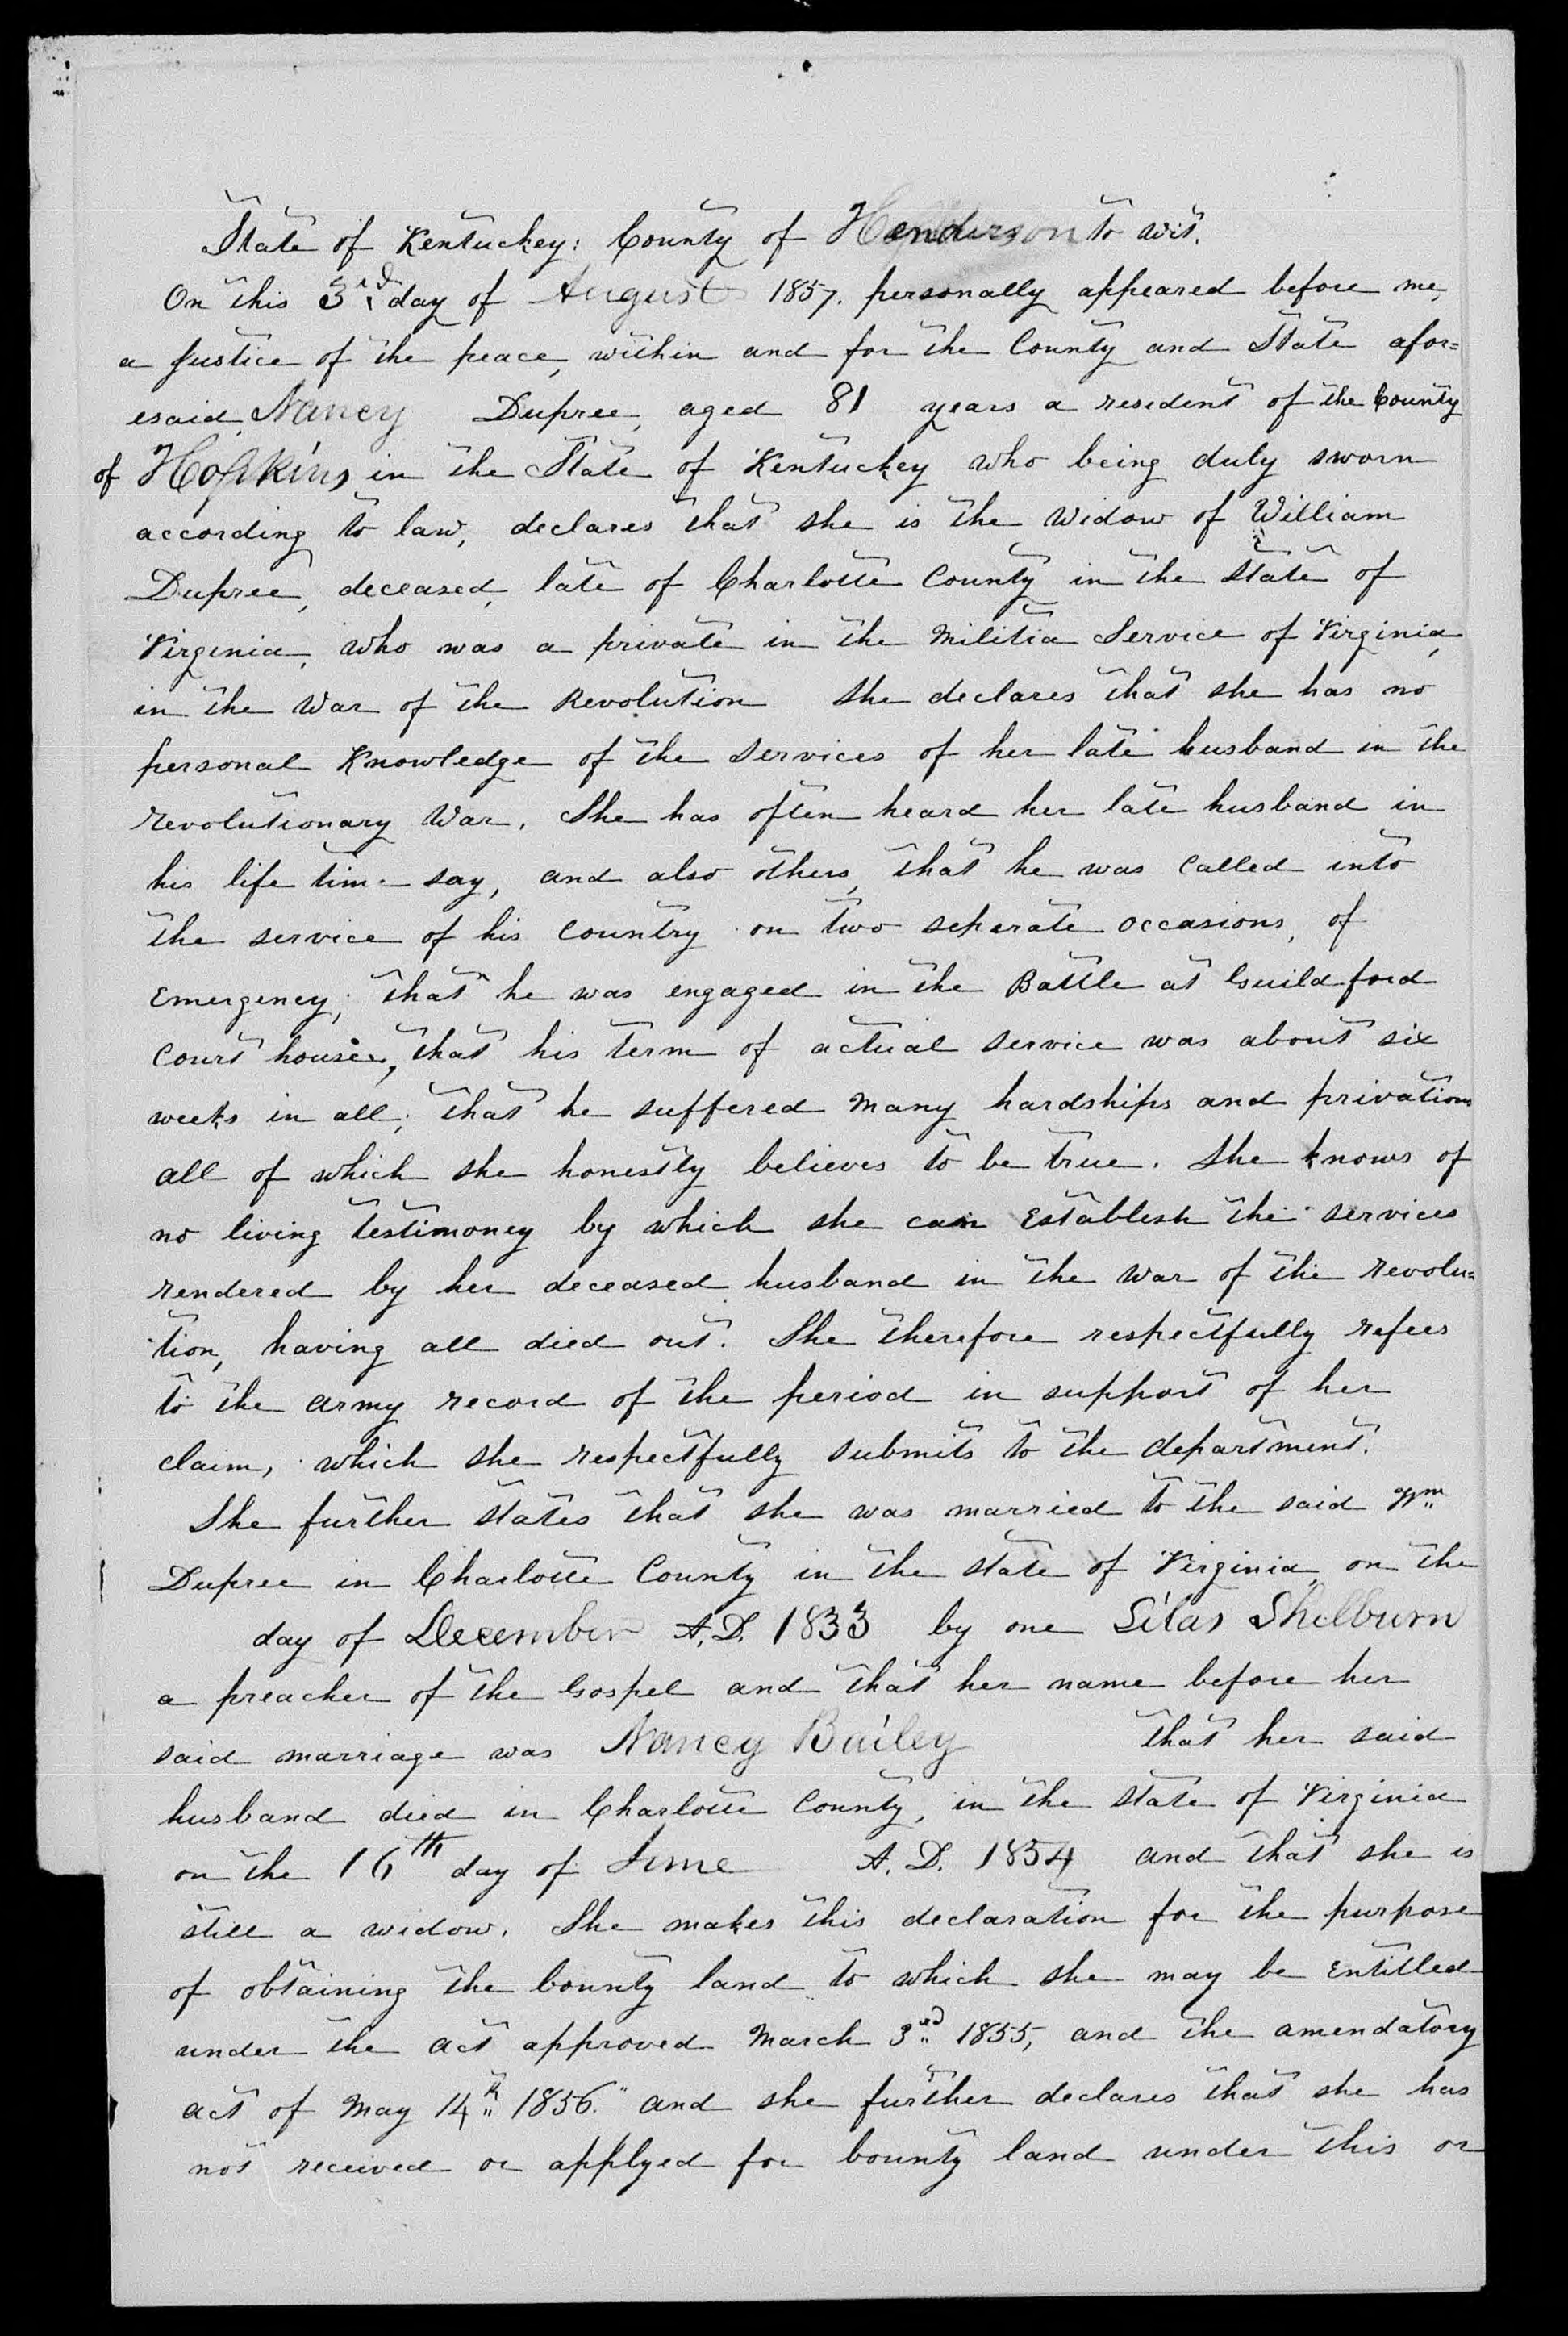State of Kentucky: County of Henderson [illegible]
On this 3rd day of August 1857, personally appeared before me, a Justice of the peace, within and for the County and state aforesaid, Nancy Dupree, aged 81 years a resident of the County of Hopkins in the state of Kentucky who being duly sworn according to law, declares that she is the widow of William Dupree, deceased, late of Charlotte County in the state of Virginia, who was a private in the Militia Service of Virginia in the War of the Revolution she declares that she has no personal knowledge of the services of her late husband in the revolutionary war. She has often heard her late husband in his lifetime say, and also others, that he was called into the service of his country on two separate occasions, of emergency; that he was engaged in the battle of Guilford Courthouse, that his term of actual service was about six weeks in all; that he suffered many hardships and privations all of which she honestly believes to be true. She knows of no living testimony by which she can establish the services rendered by her deceased husband in the war of the revolution, having all died out. She therefore respectfully refers to the enemy record of the period in support of her claim, which she respectfully submits to the department. She further states that she was married to the said Wm Dupree in Charlotte County in the state of Virginia on the day of September A.D. 1833 by me Silas Shelburn a preacher of the Gospel and that her name before her said marriage was Nancy Bailey that her said husband died in Charlotte County, in the state of Virginia on the 16th day of June A.D. 1854 and that she is still a widow. She makes this declaration for the purpose of obtaining the bounty land to which she may be entitled under the act approved March 3rd 1835, and the amendatory act of May 14th 1836 and she further declares that she has not received or applyed for the bounty land under this or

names: Nancy Dupree, Silas Shelburn, William Dupree, Wm Dupree, Nancy Bailey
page: 3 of 8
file: B. L. Rej. 281092-1855, William Dupree, Va.